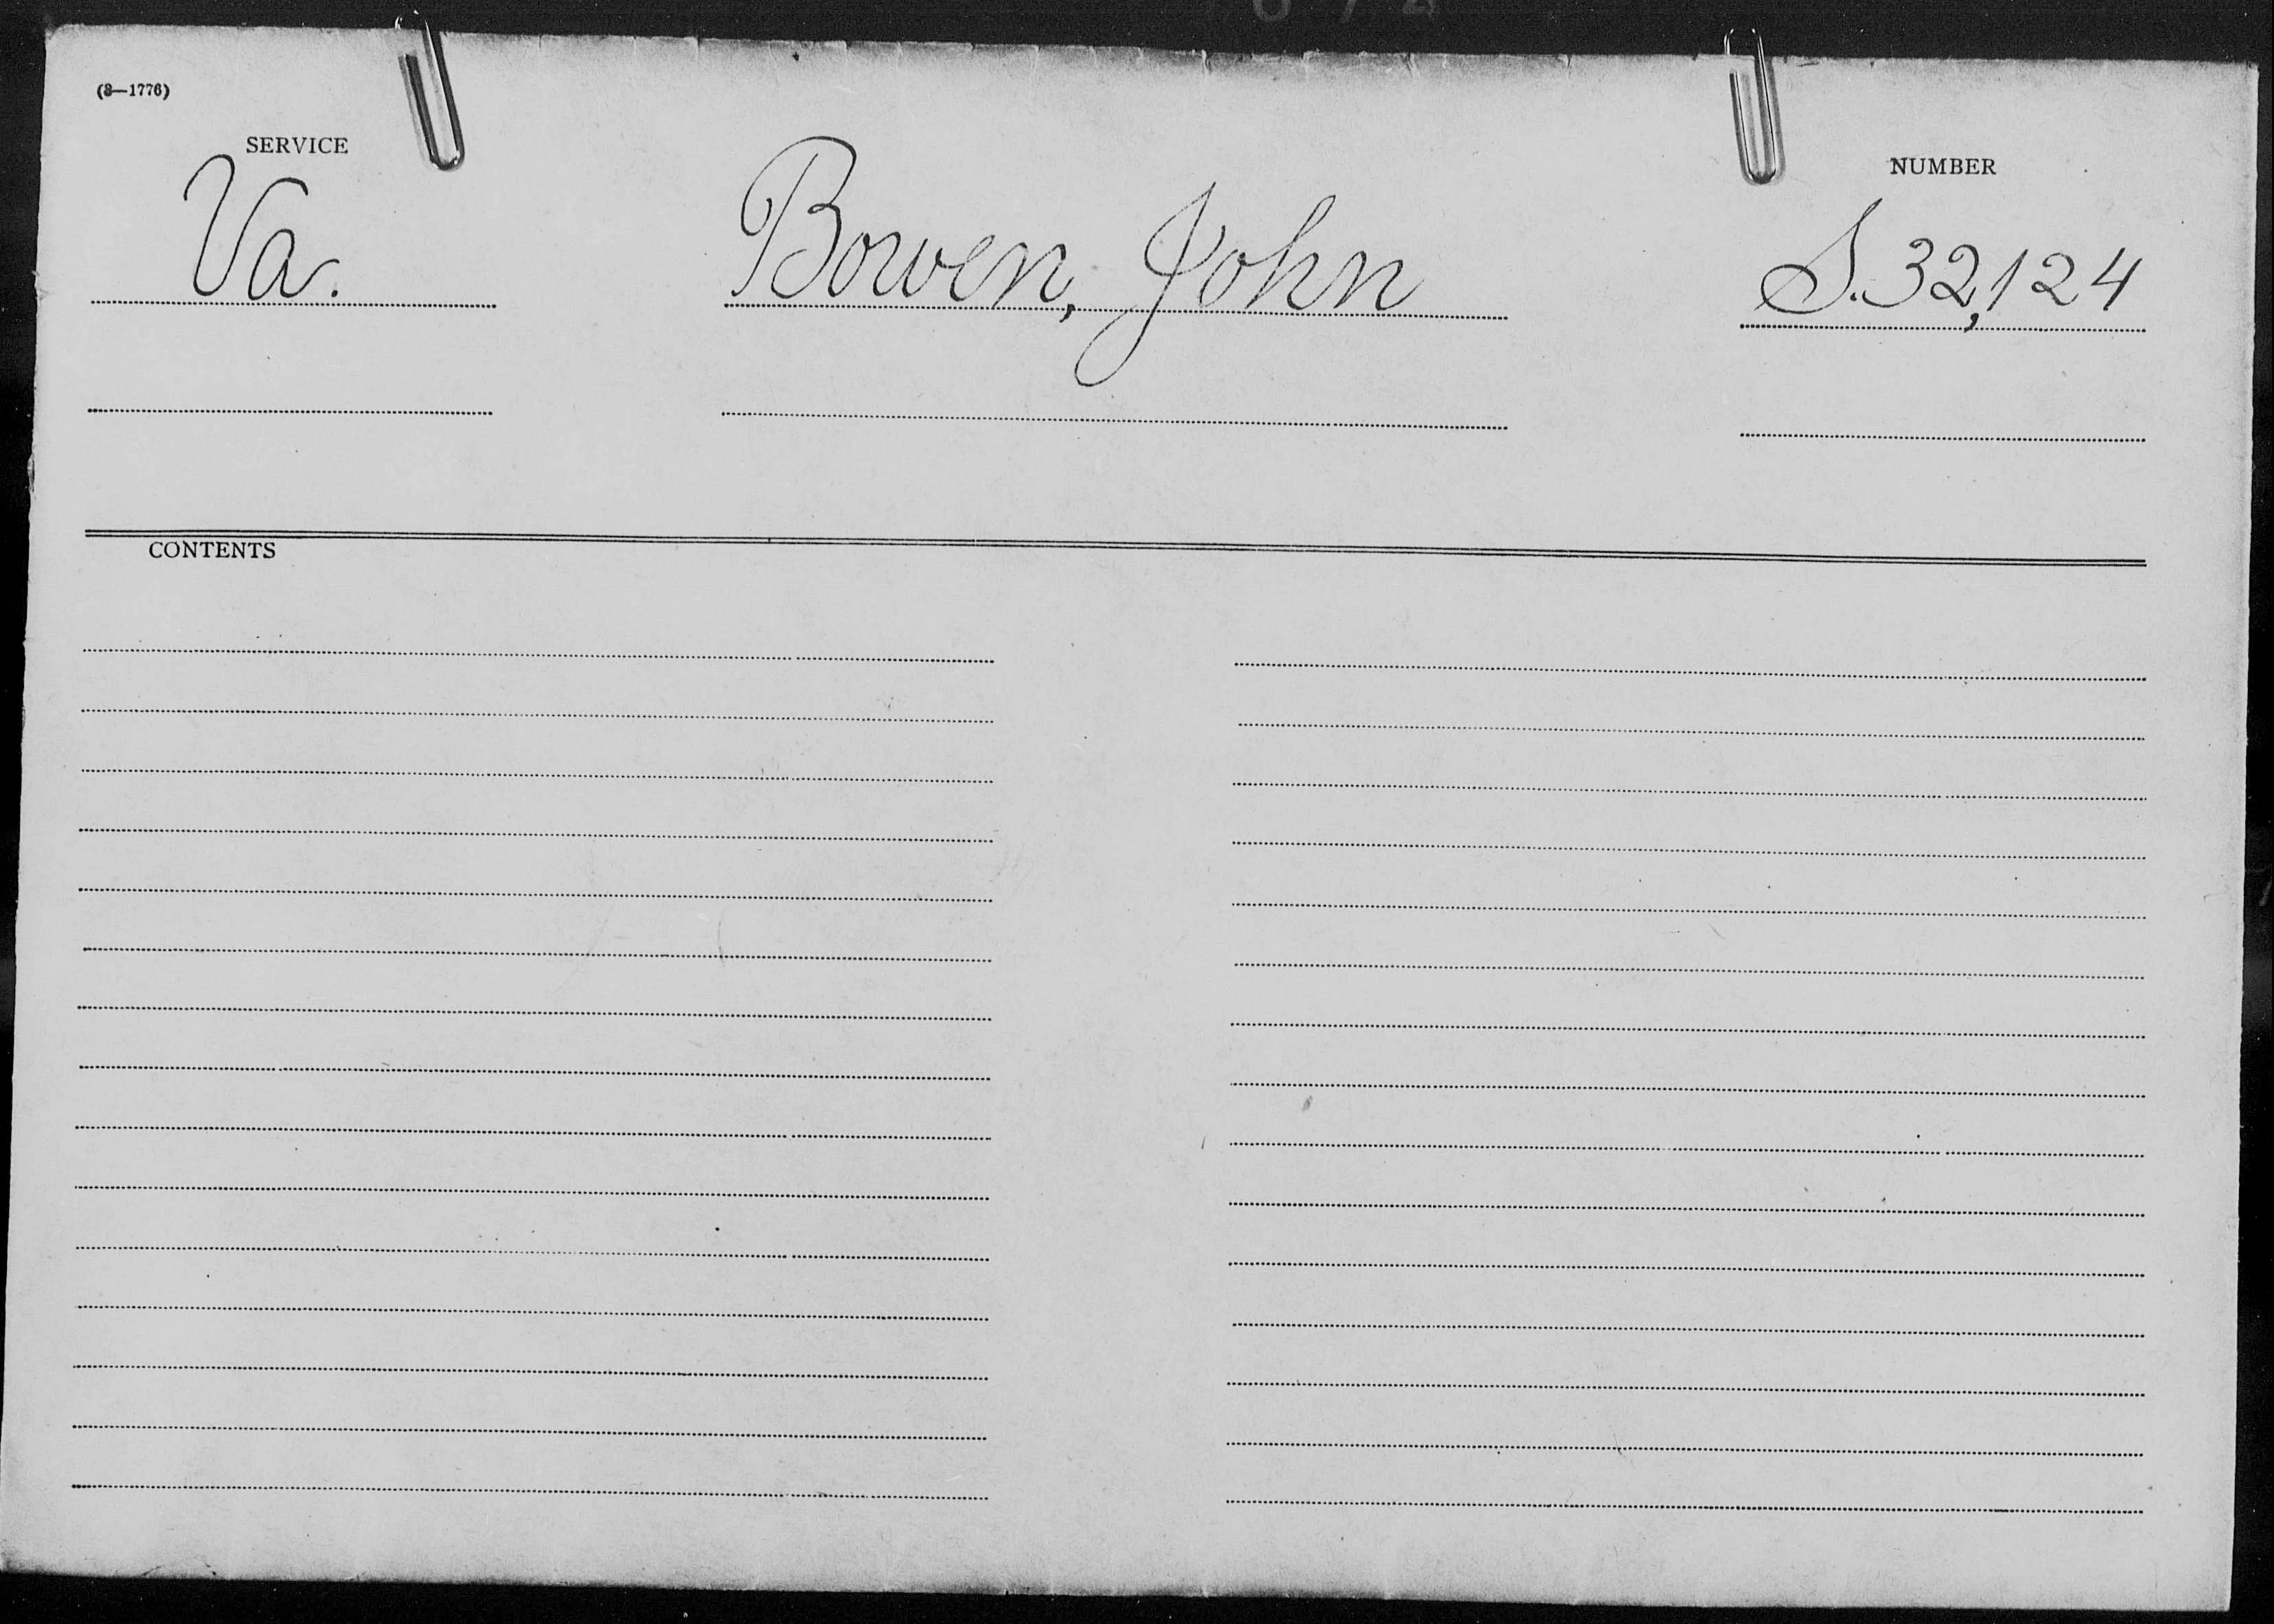(3—1776)
SERVICE  Va. 
Bowen, John 
NUMBER  S. 32,124
CONTENTS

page: 1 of 20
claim: survivor's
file: S. 32,124, John Bowen, Va.